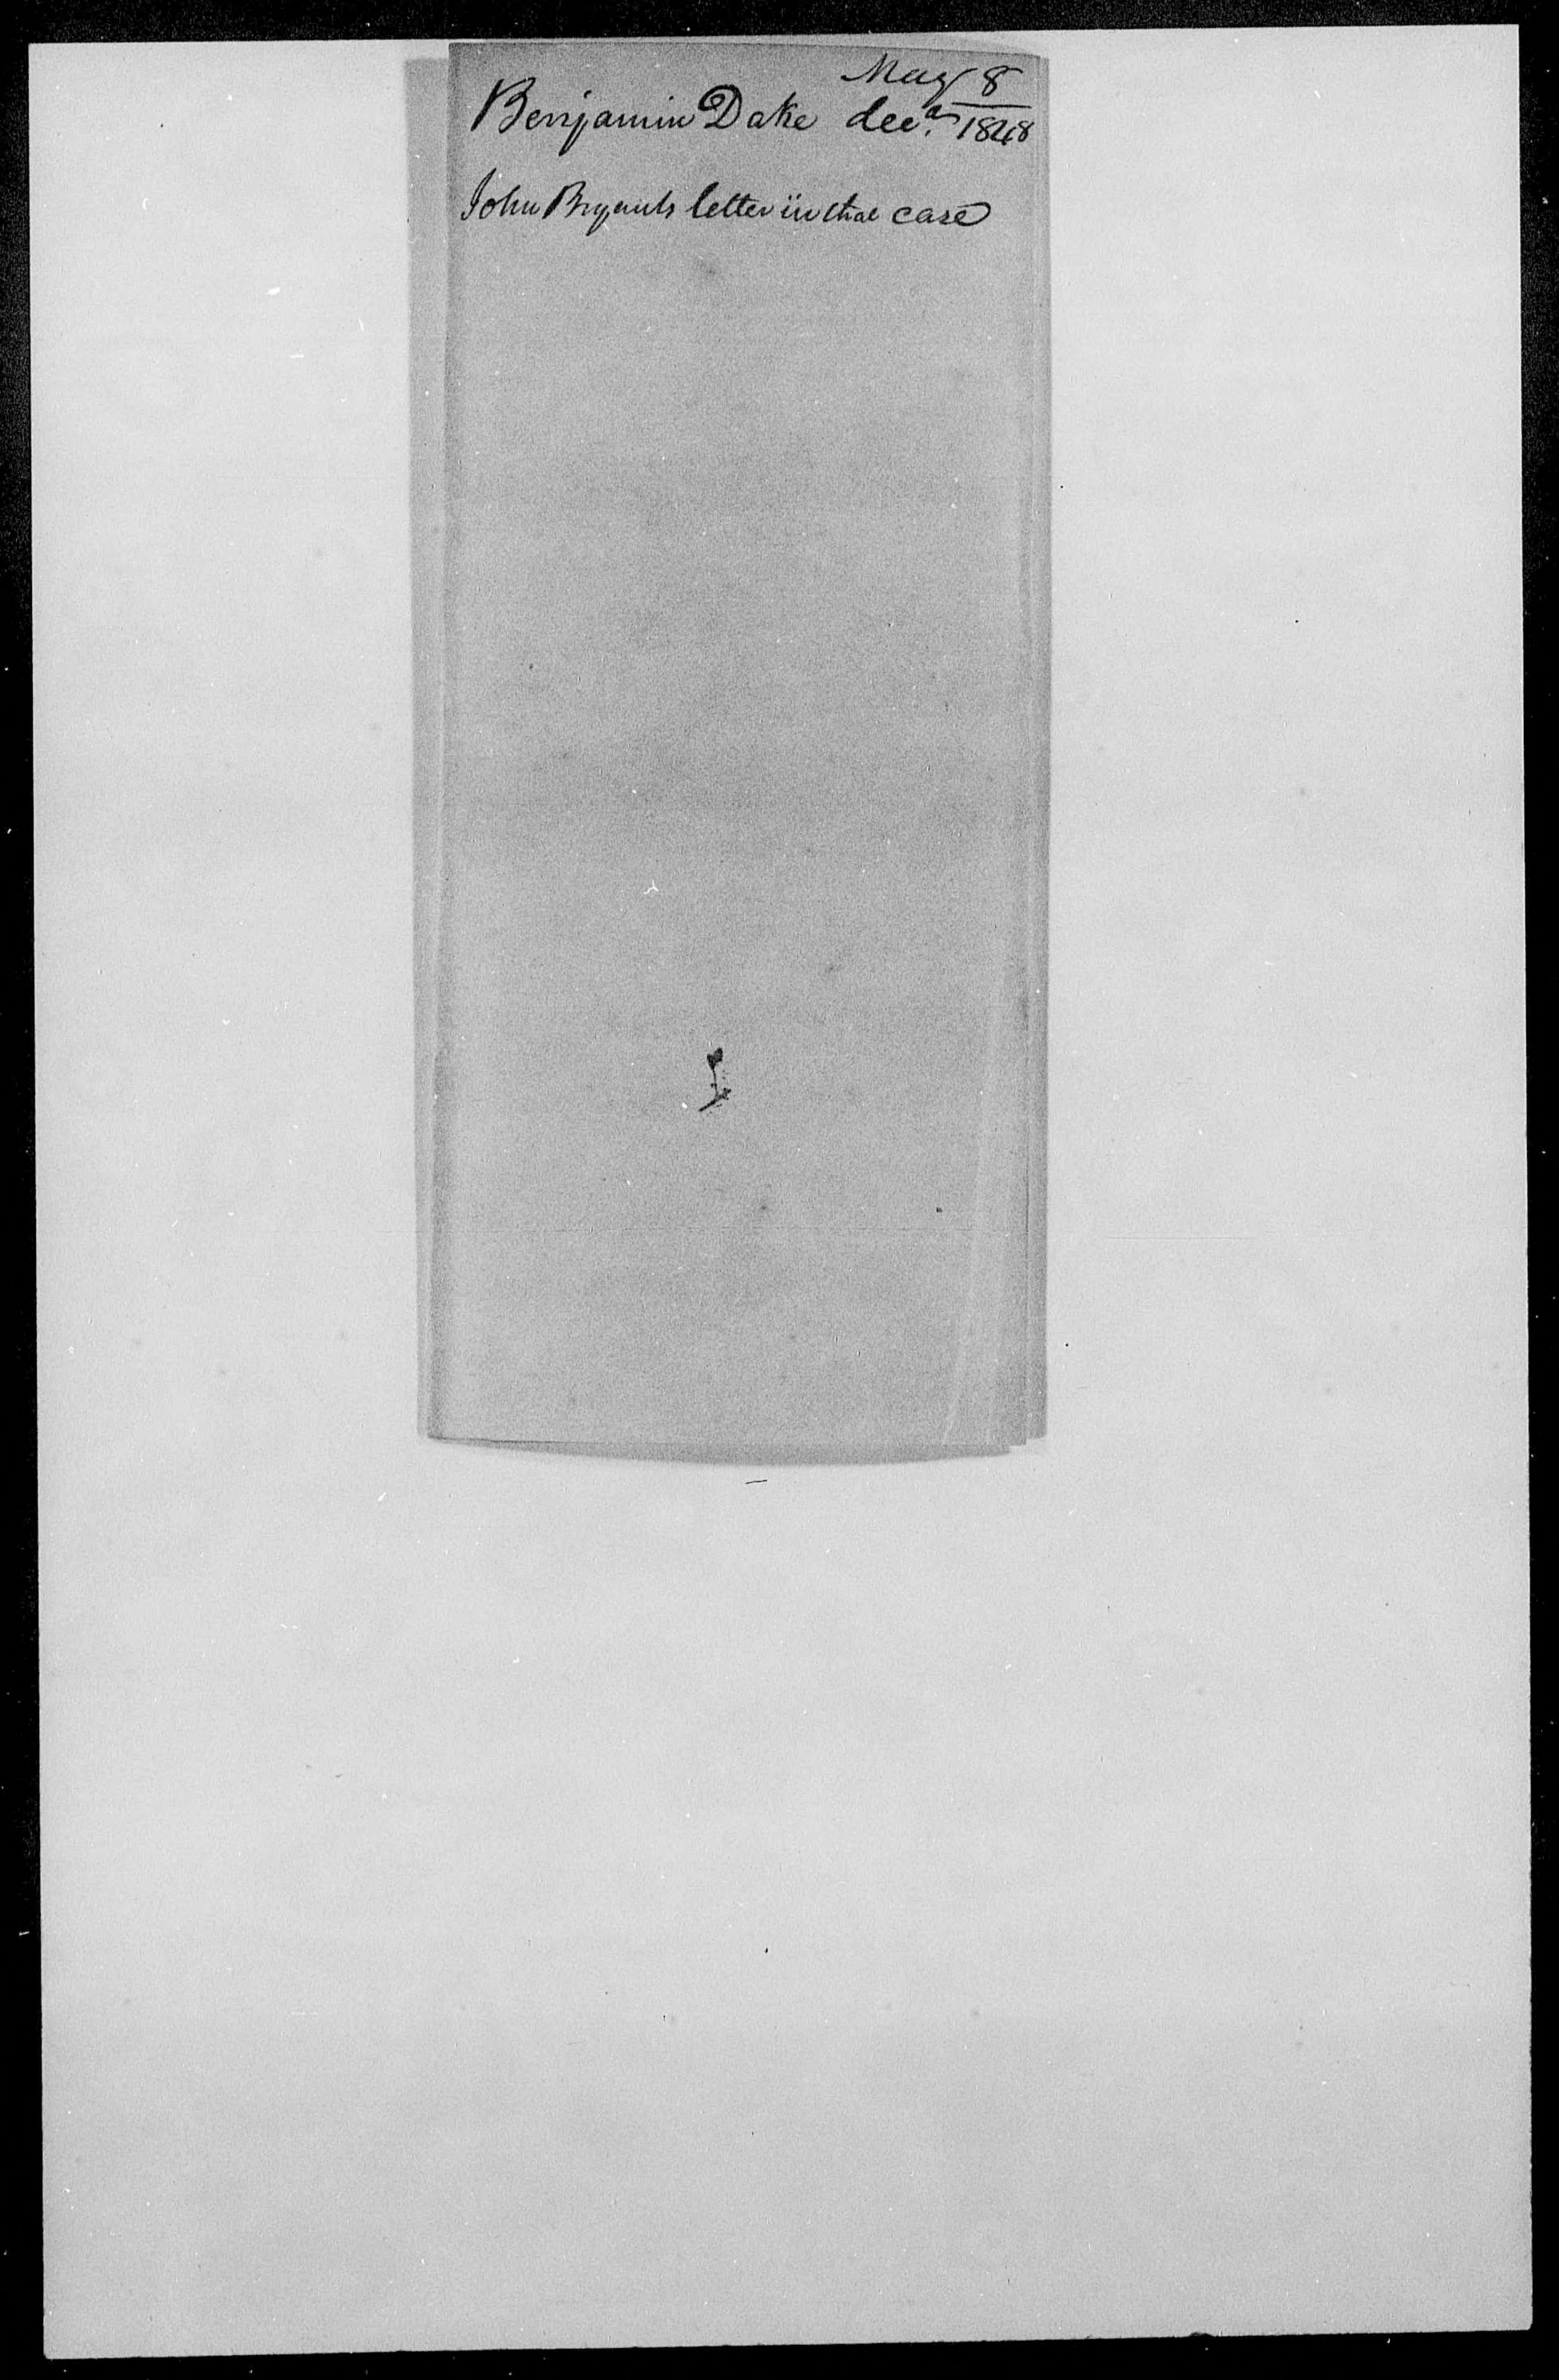May 8 1848 Benjamin Dake Decd John Bryants letter in that case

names: Benjamin Dake, John Bryant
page: 27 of 42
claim: rejected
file: R. 2,625, Benjamin Dake, R.I.